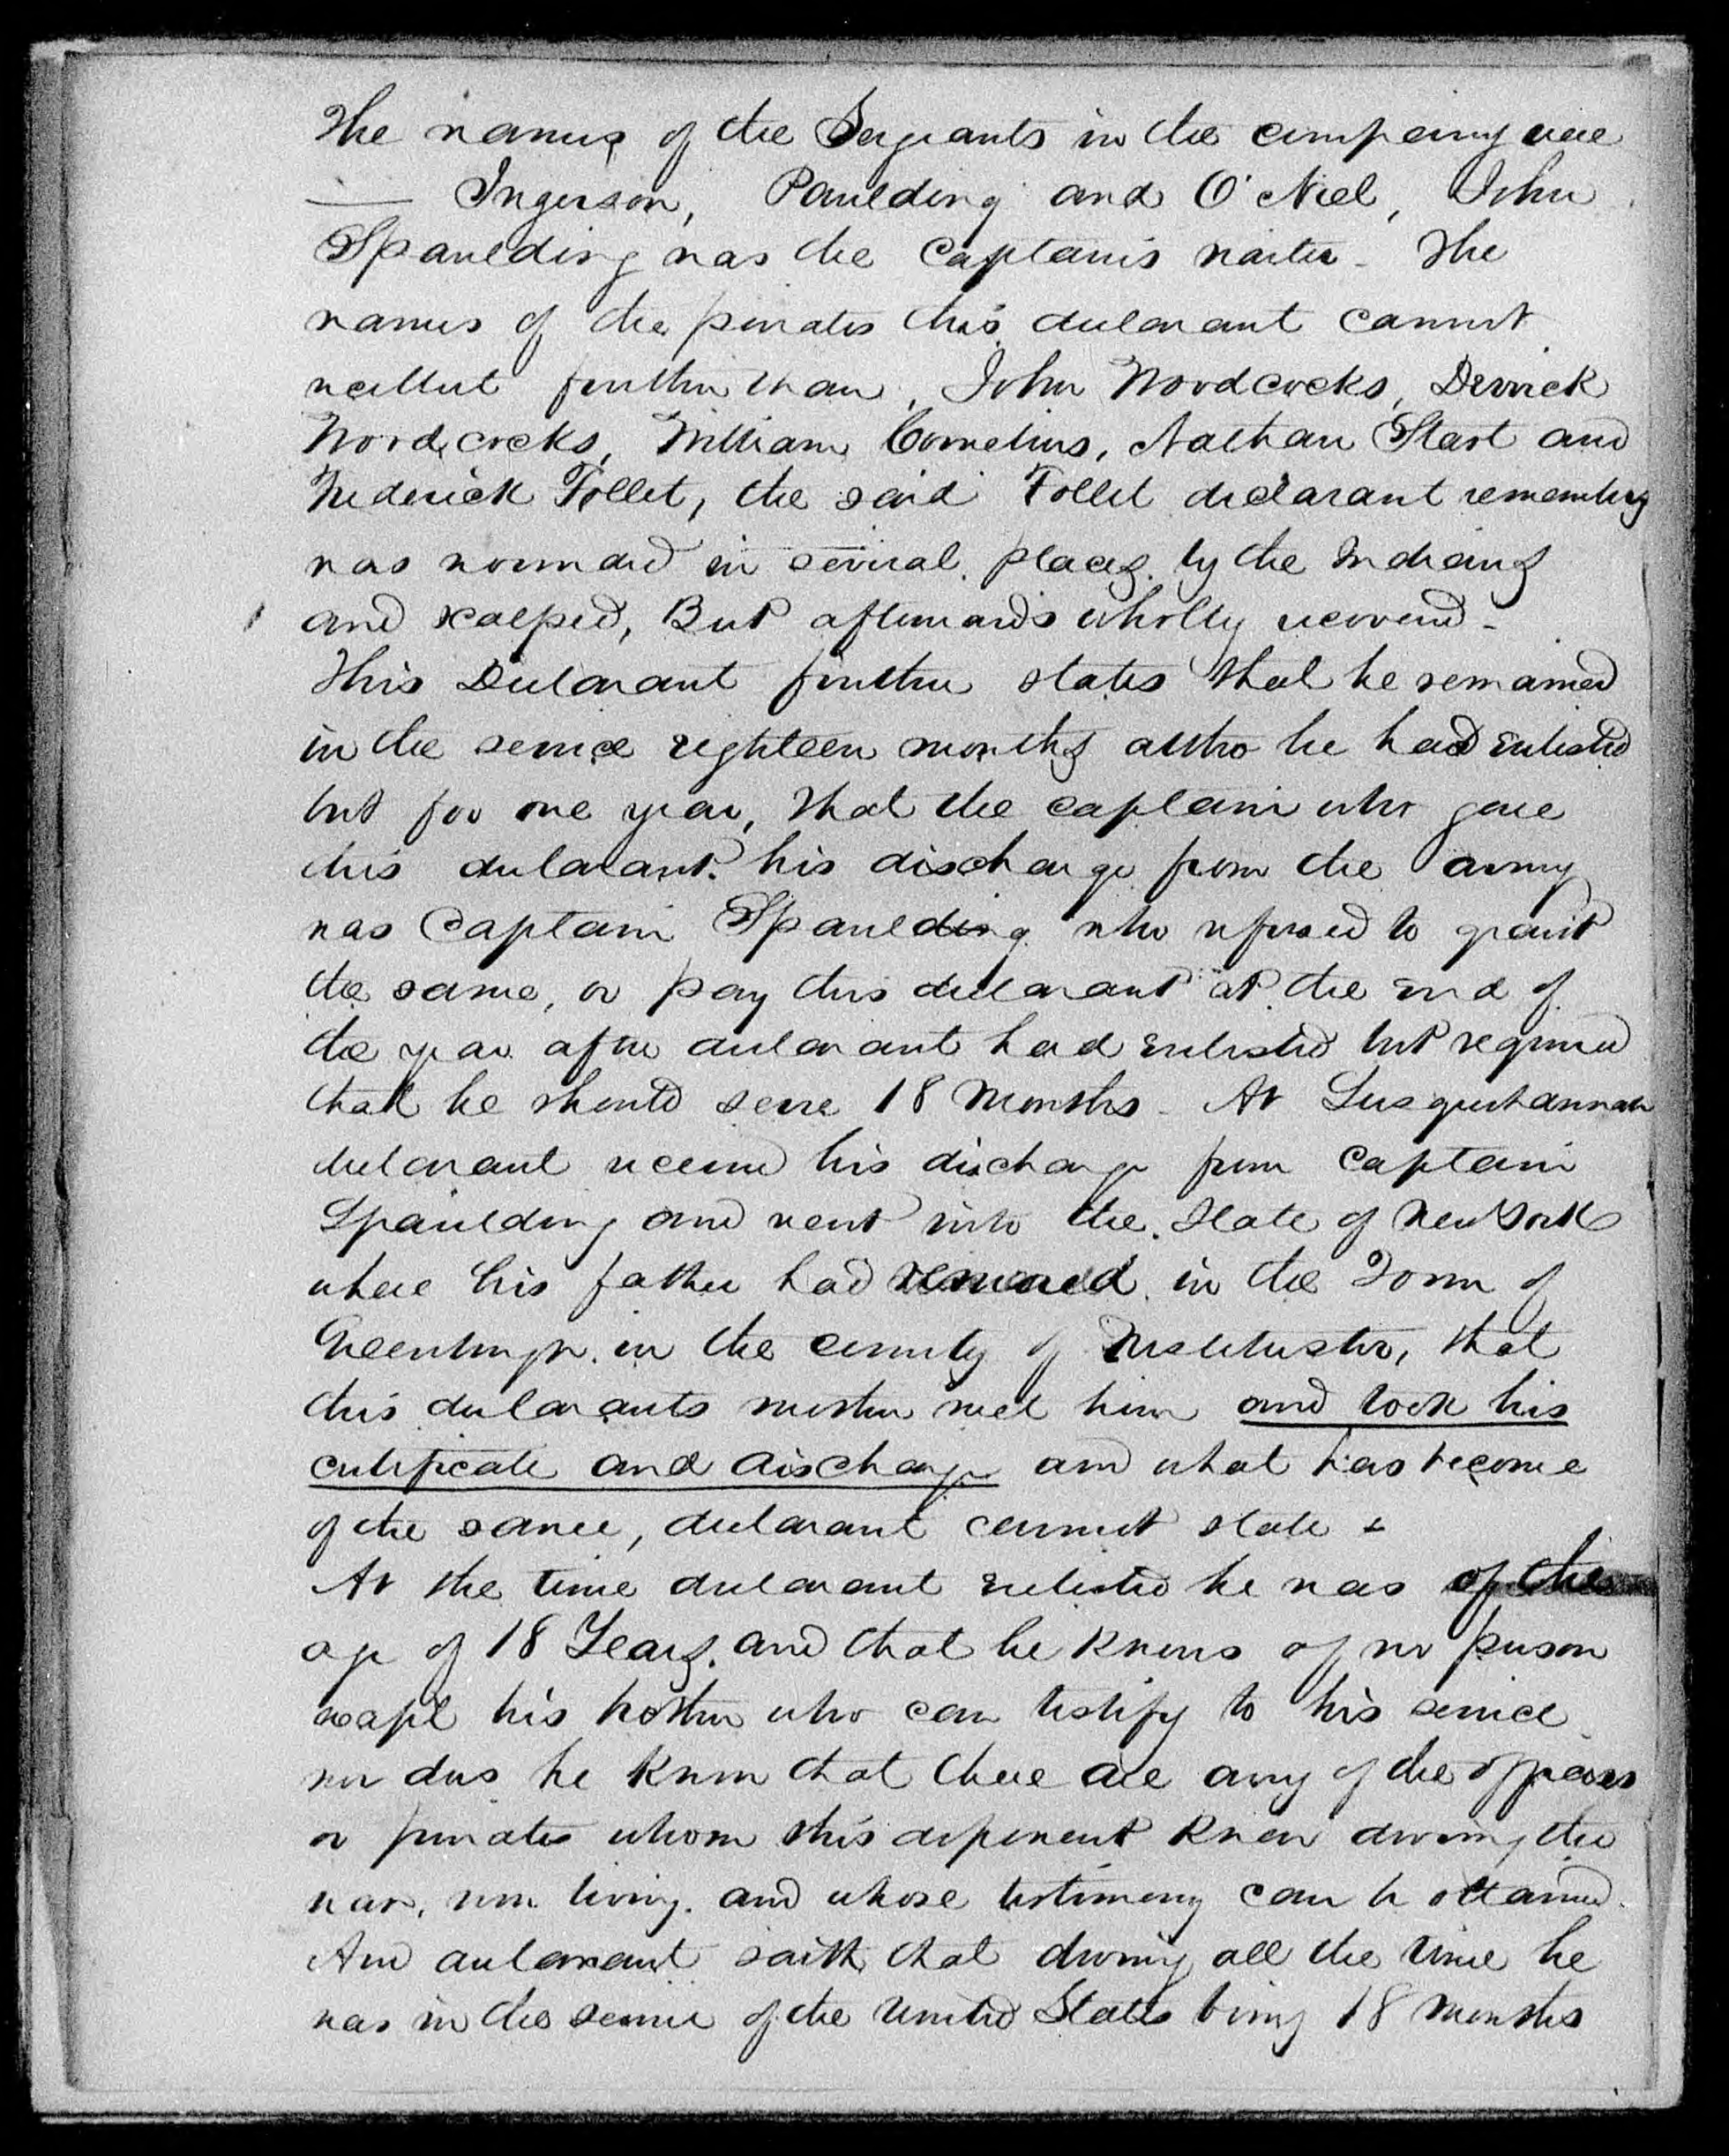The names of the Sergeants in the company were ___Ingerson, Pauldingh and O'Niel, John Spaulding was the Captain's naives-The names of the privates this declarent cannot recollect further than John Woodcocks, Derrick Woodcocks, William Cornelius, Nathan Stuart and Frederick Follet, the said Follet declarant remembers was wounded in several places by the Indians and scalped, But afterward wholly recovered-
This Declarant further states that he remained inn the service eighteen months altho he had enlisted into for one year. That the Captain who gave this declarant his discharge from the army was Captain Spaulding who refused to grant the same, or pay this declarant at the end of the year after declarant had enlisted but required that he should serve 18 months. At Susquehanna declarant received his discharge from Captain Spaulding and went into the State of New York where his father had remained in the town of Greenburgh in the county of Westchester, that this delarents mother met him and took his certificate and discharge and what has become of the same, declarant cannot state. At the time declarant enlisted he was of the age of 18 years, and that he knows of no person except his brother who can testify to his service nor does he know that there are any of the officers or privates whom this deponant know during the war are living. and whose testimony can be obtained.  An aulmant saith that during all the time he was in the service of the United States being 18 months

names: Paulding, Derrick Woodcocks, Nathan Start, Spaulding, Spaulding, John Woodcocks, O'Neil, Frederick Follet, Ingerson, William Cornelius, Spaulding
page: 8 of 57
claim: widow's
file: W. 5275 1/2, Michael Foster, Penn.